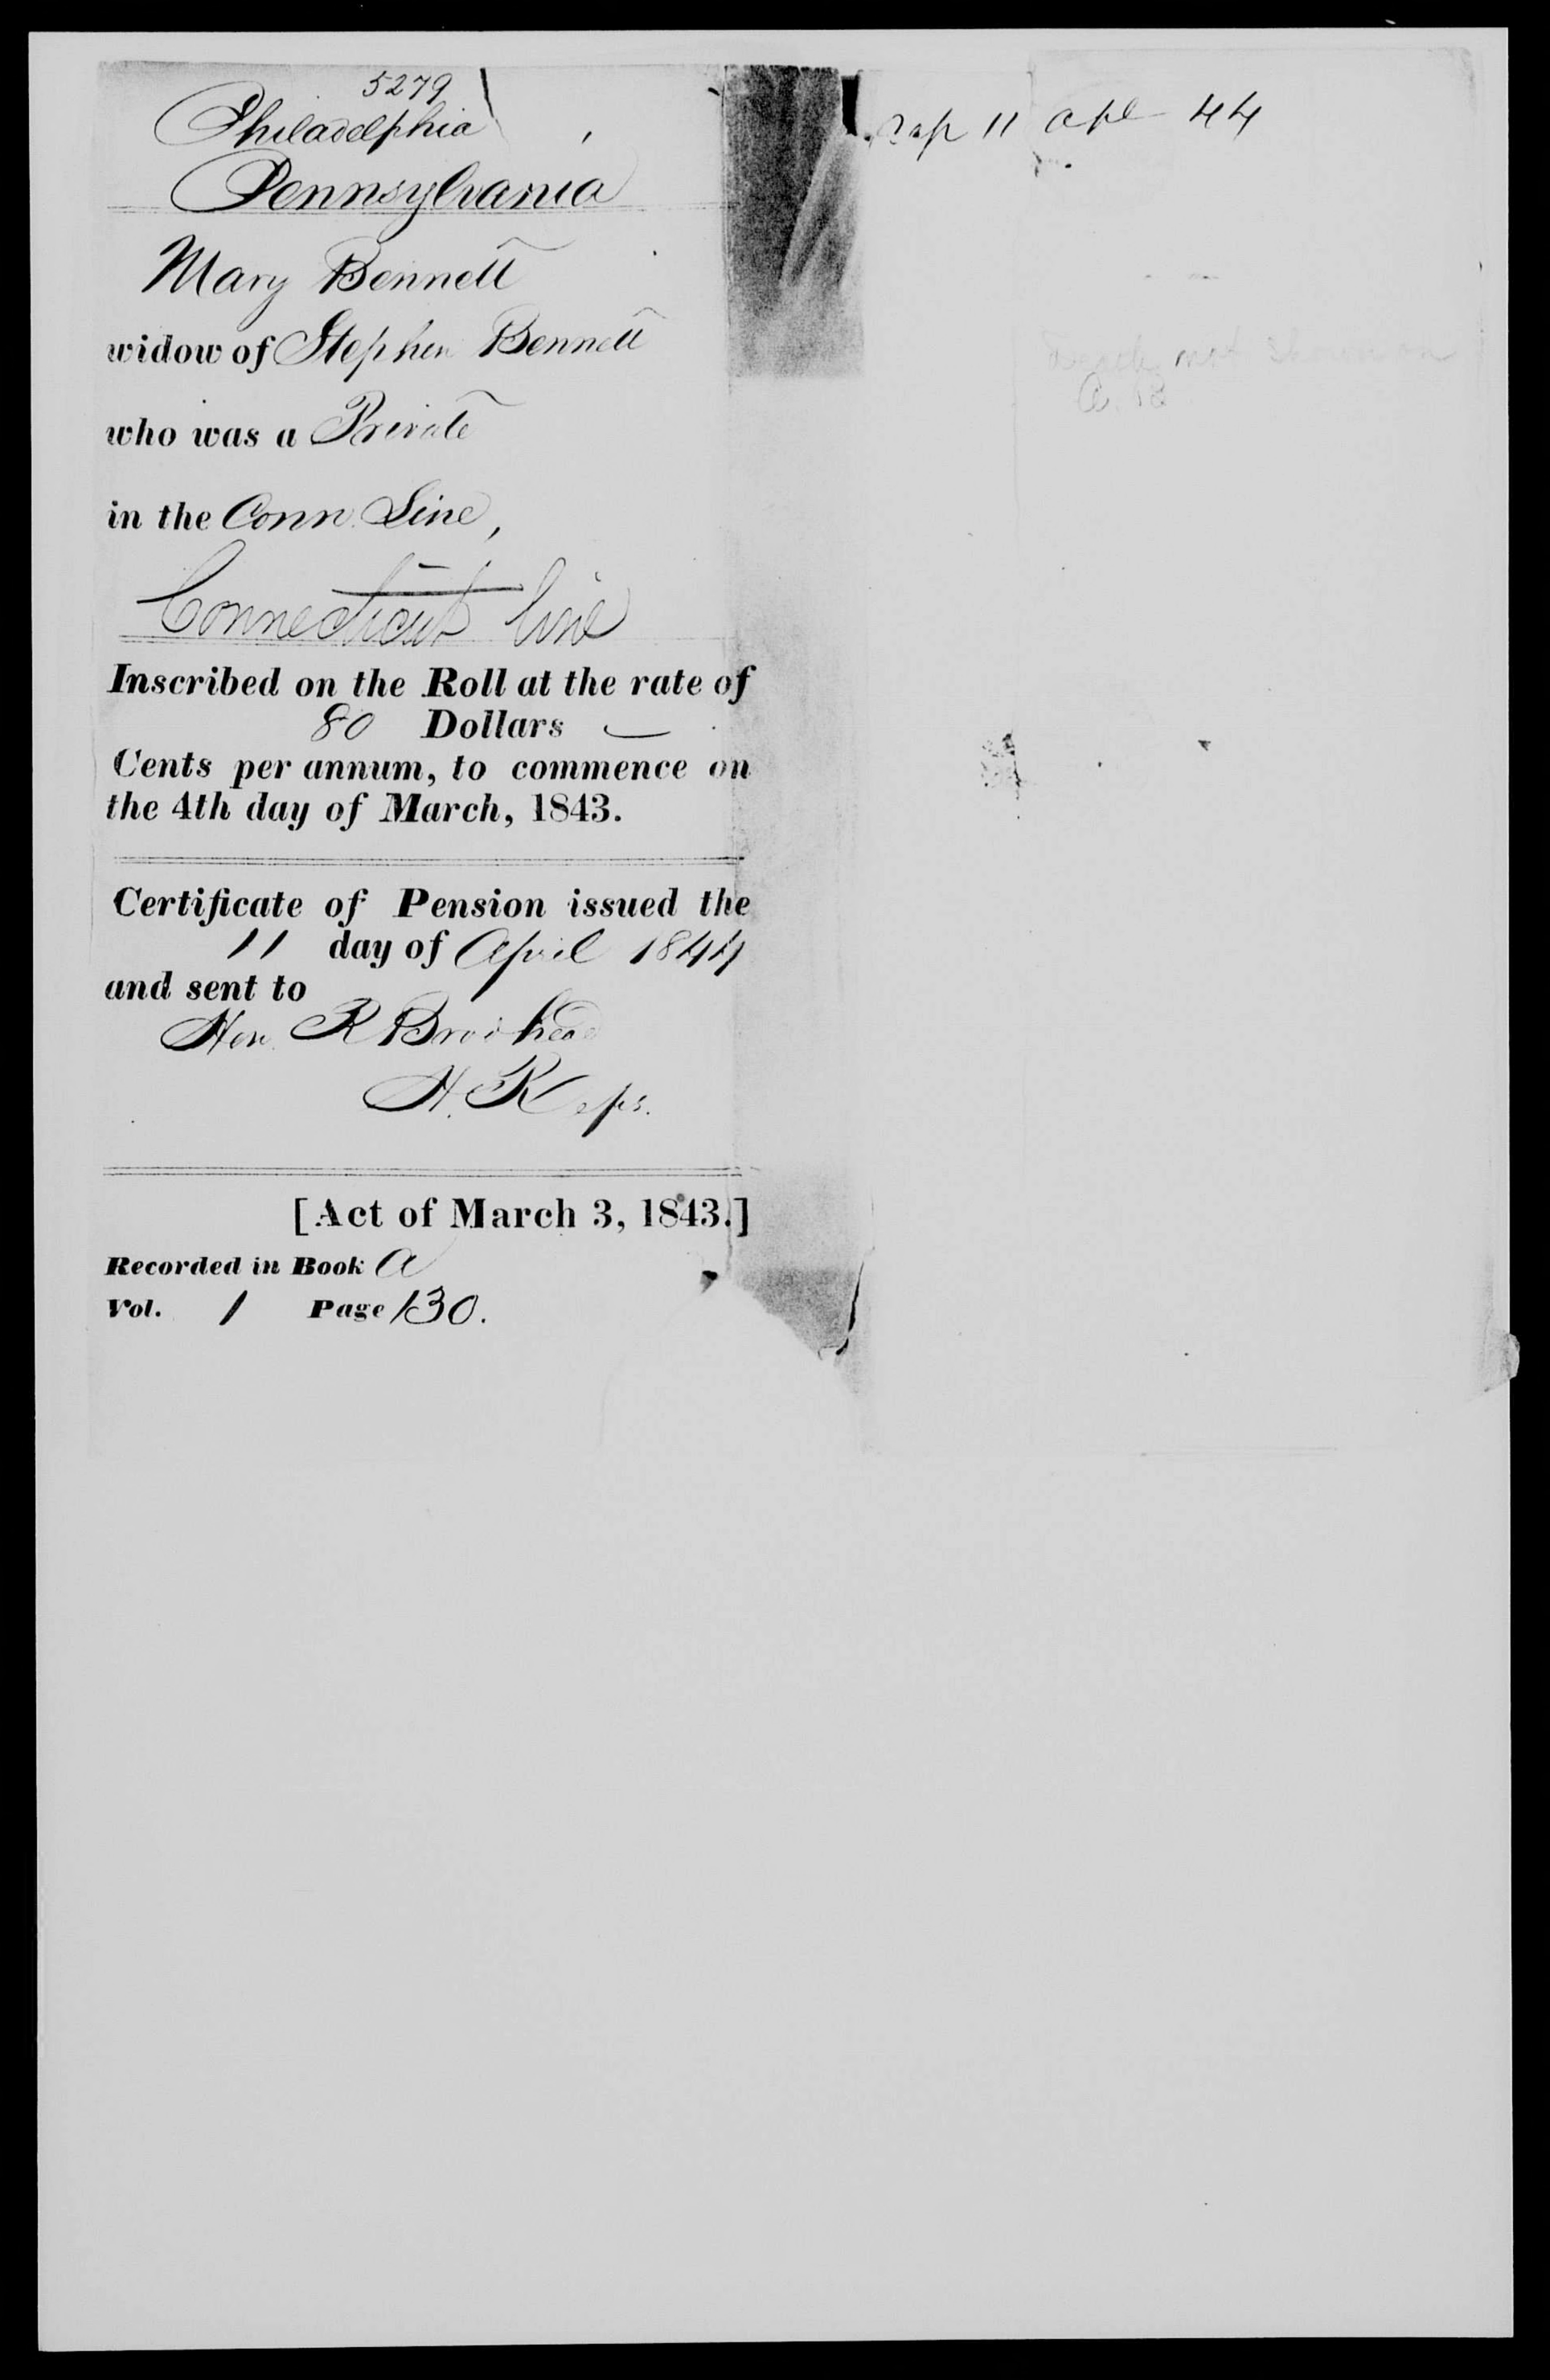5279
Philadelphia Pennsylvania
Mary Bennett widow of Stephen Bennett who was(illegible) in the Conn Sine Connecticut line
Inscribed on the Roll at the rate of 80 Dollars __
Cents per annum, to commence on the 4th day of March, 1843.
Certificate of Pension issued the 11 day of April 1844 and sent to Hon. R  Brodhead
(illegible)

[Act of March 3, 1843.]
Recorded in Book A
vol. / Page 130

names: Stephen Bennett, Mary Bennett, R Brodhead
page: 7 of 79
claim: widow's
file: W. 2,906, Stephen Bennet, Conn.